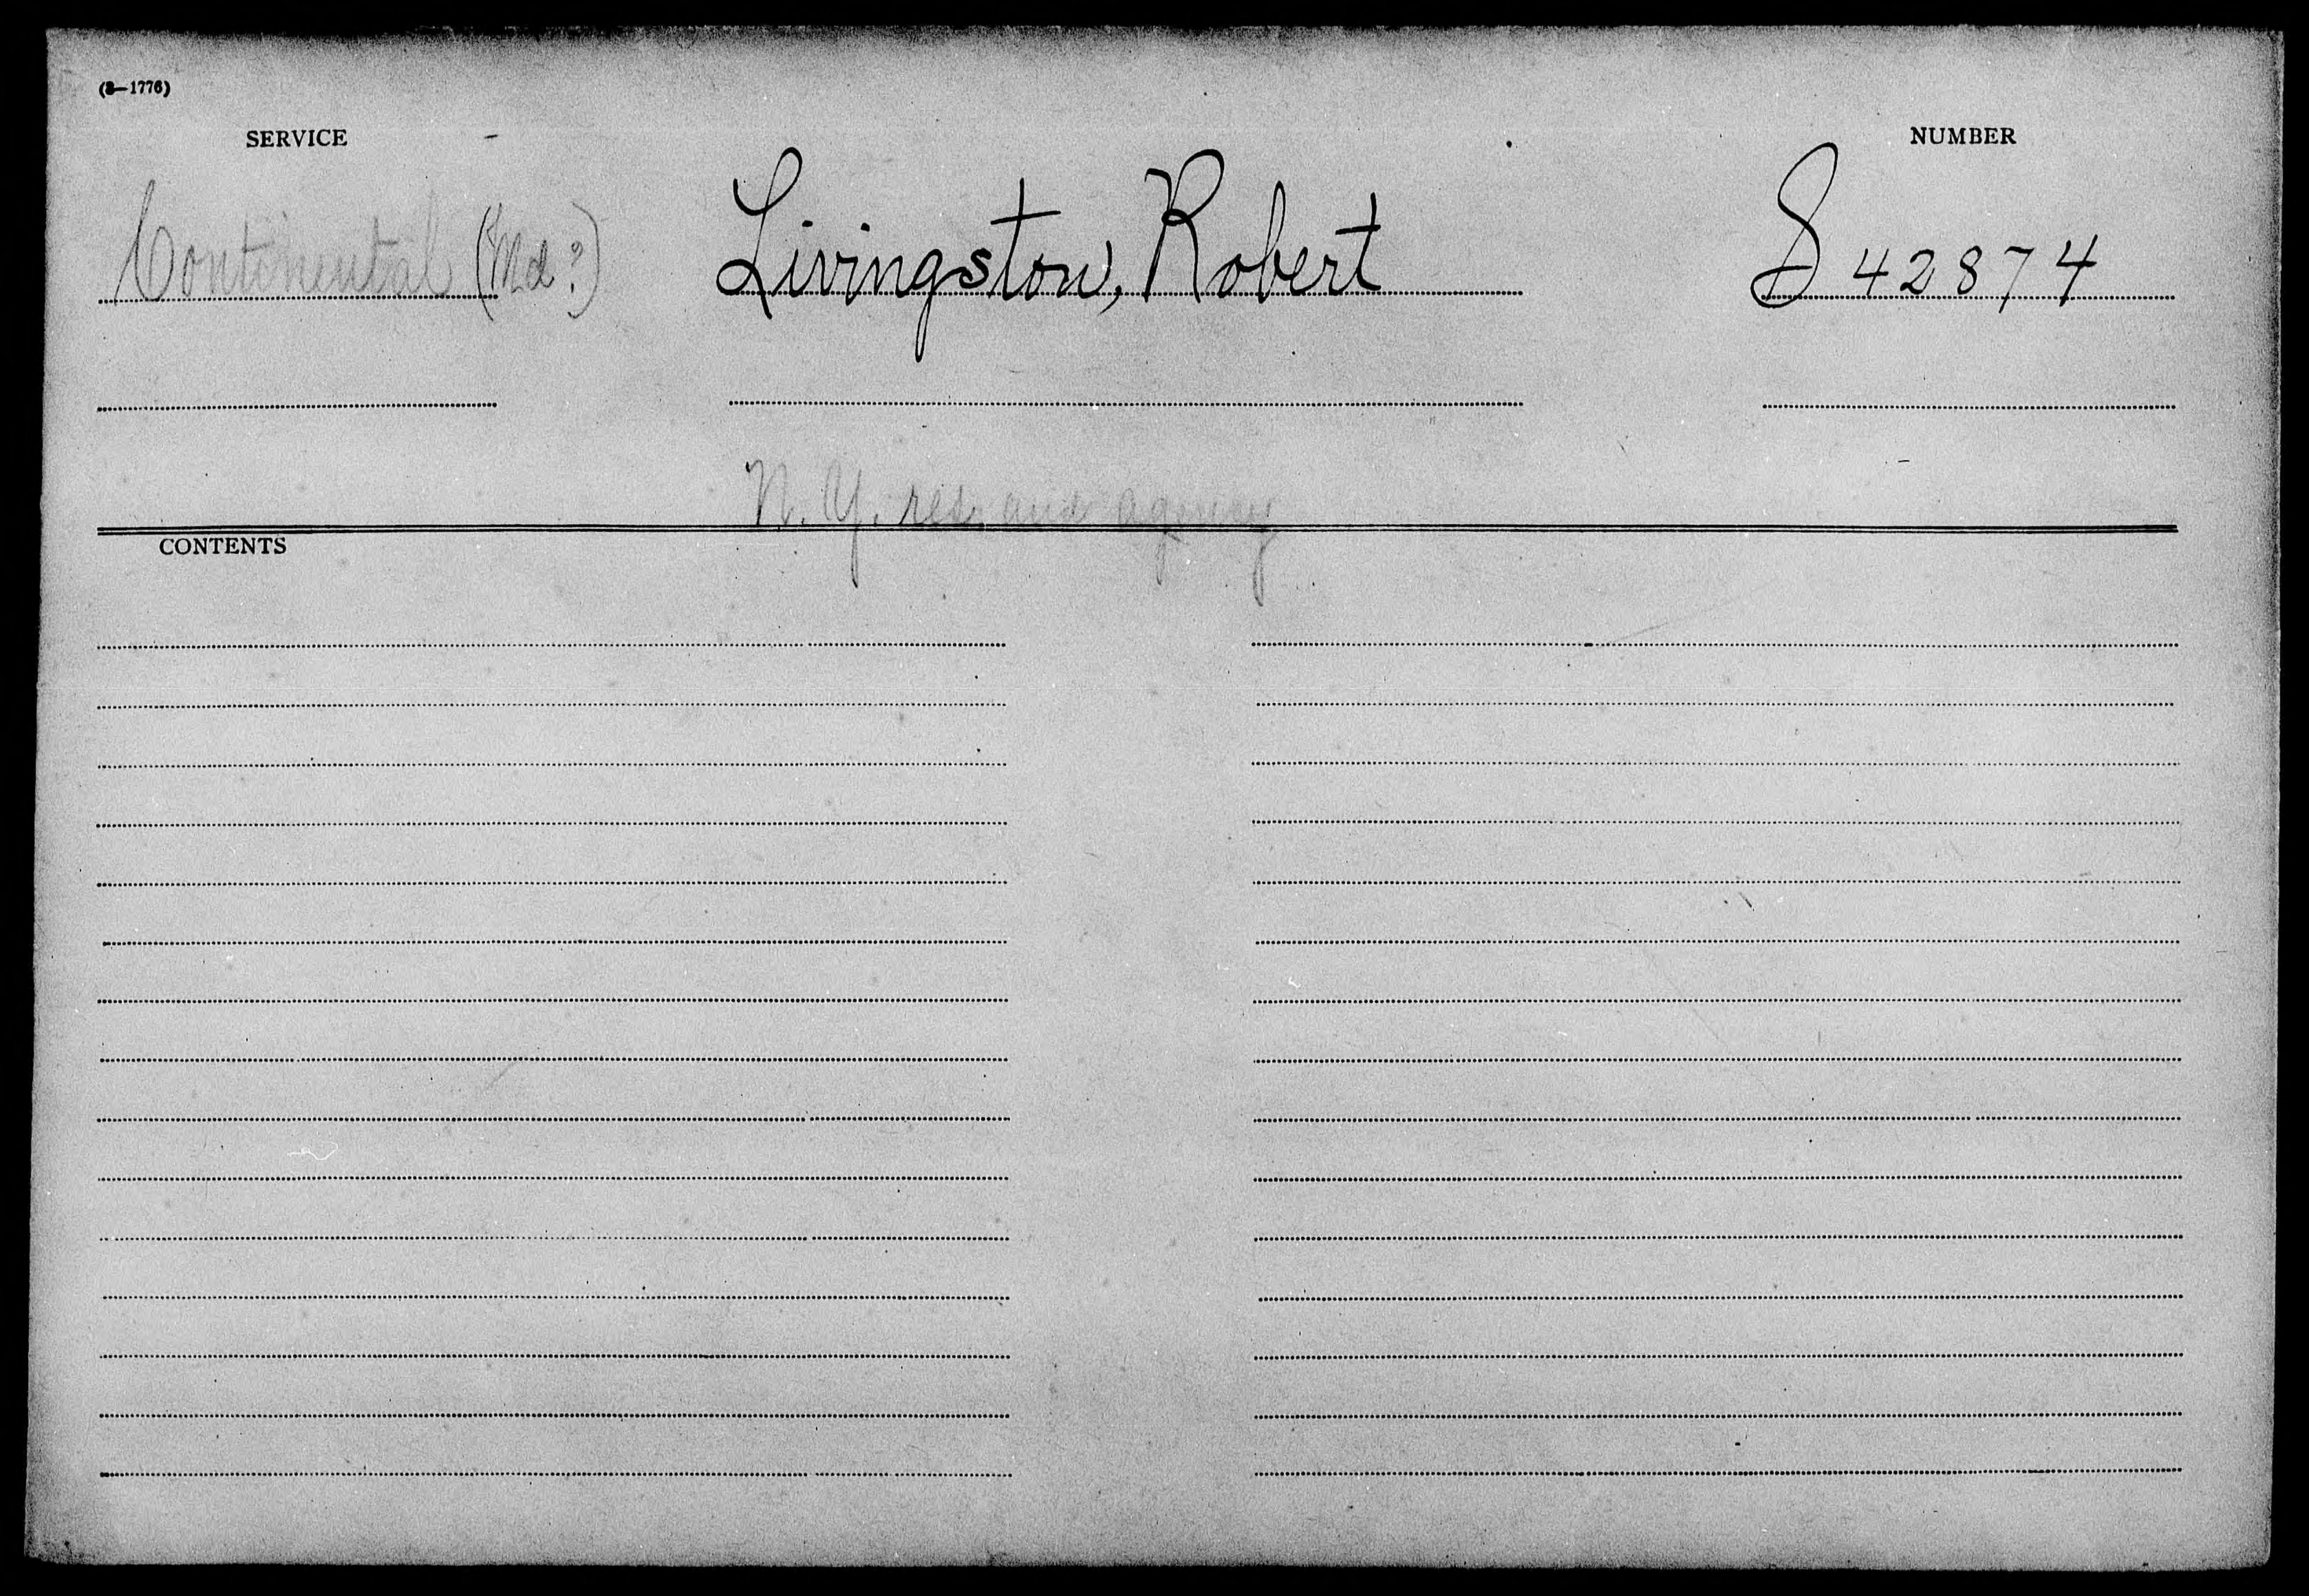Service
Continental (Md?)

Name
Livingston, Robert

Number S.42874

N.Y. res and agency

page: 1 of 23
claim: survivor's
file: S 42874, for Robert Livingston, Maryland